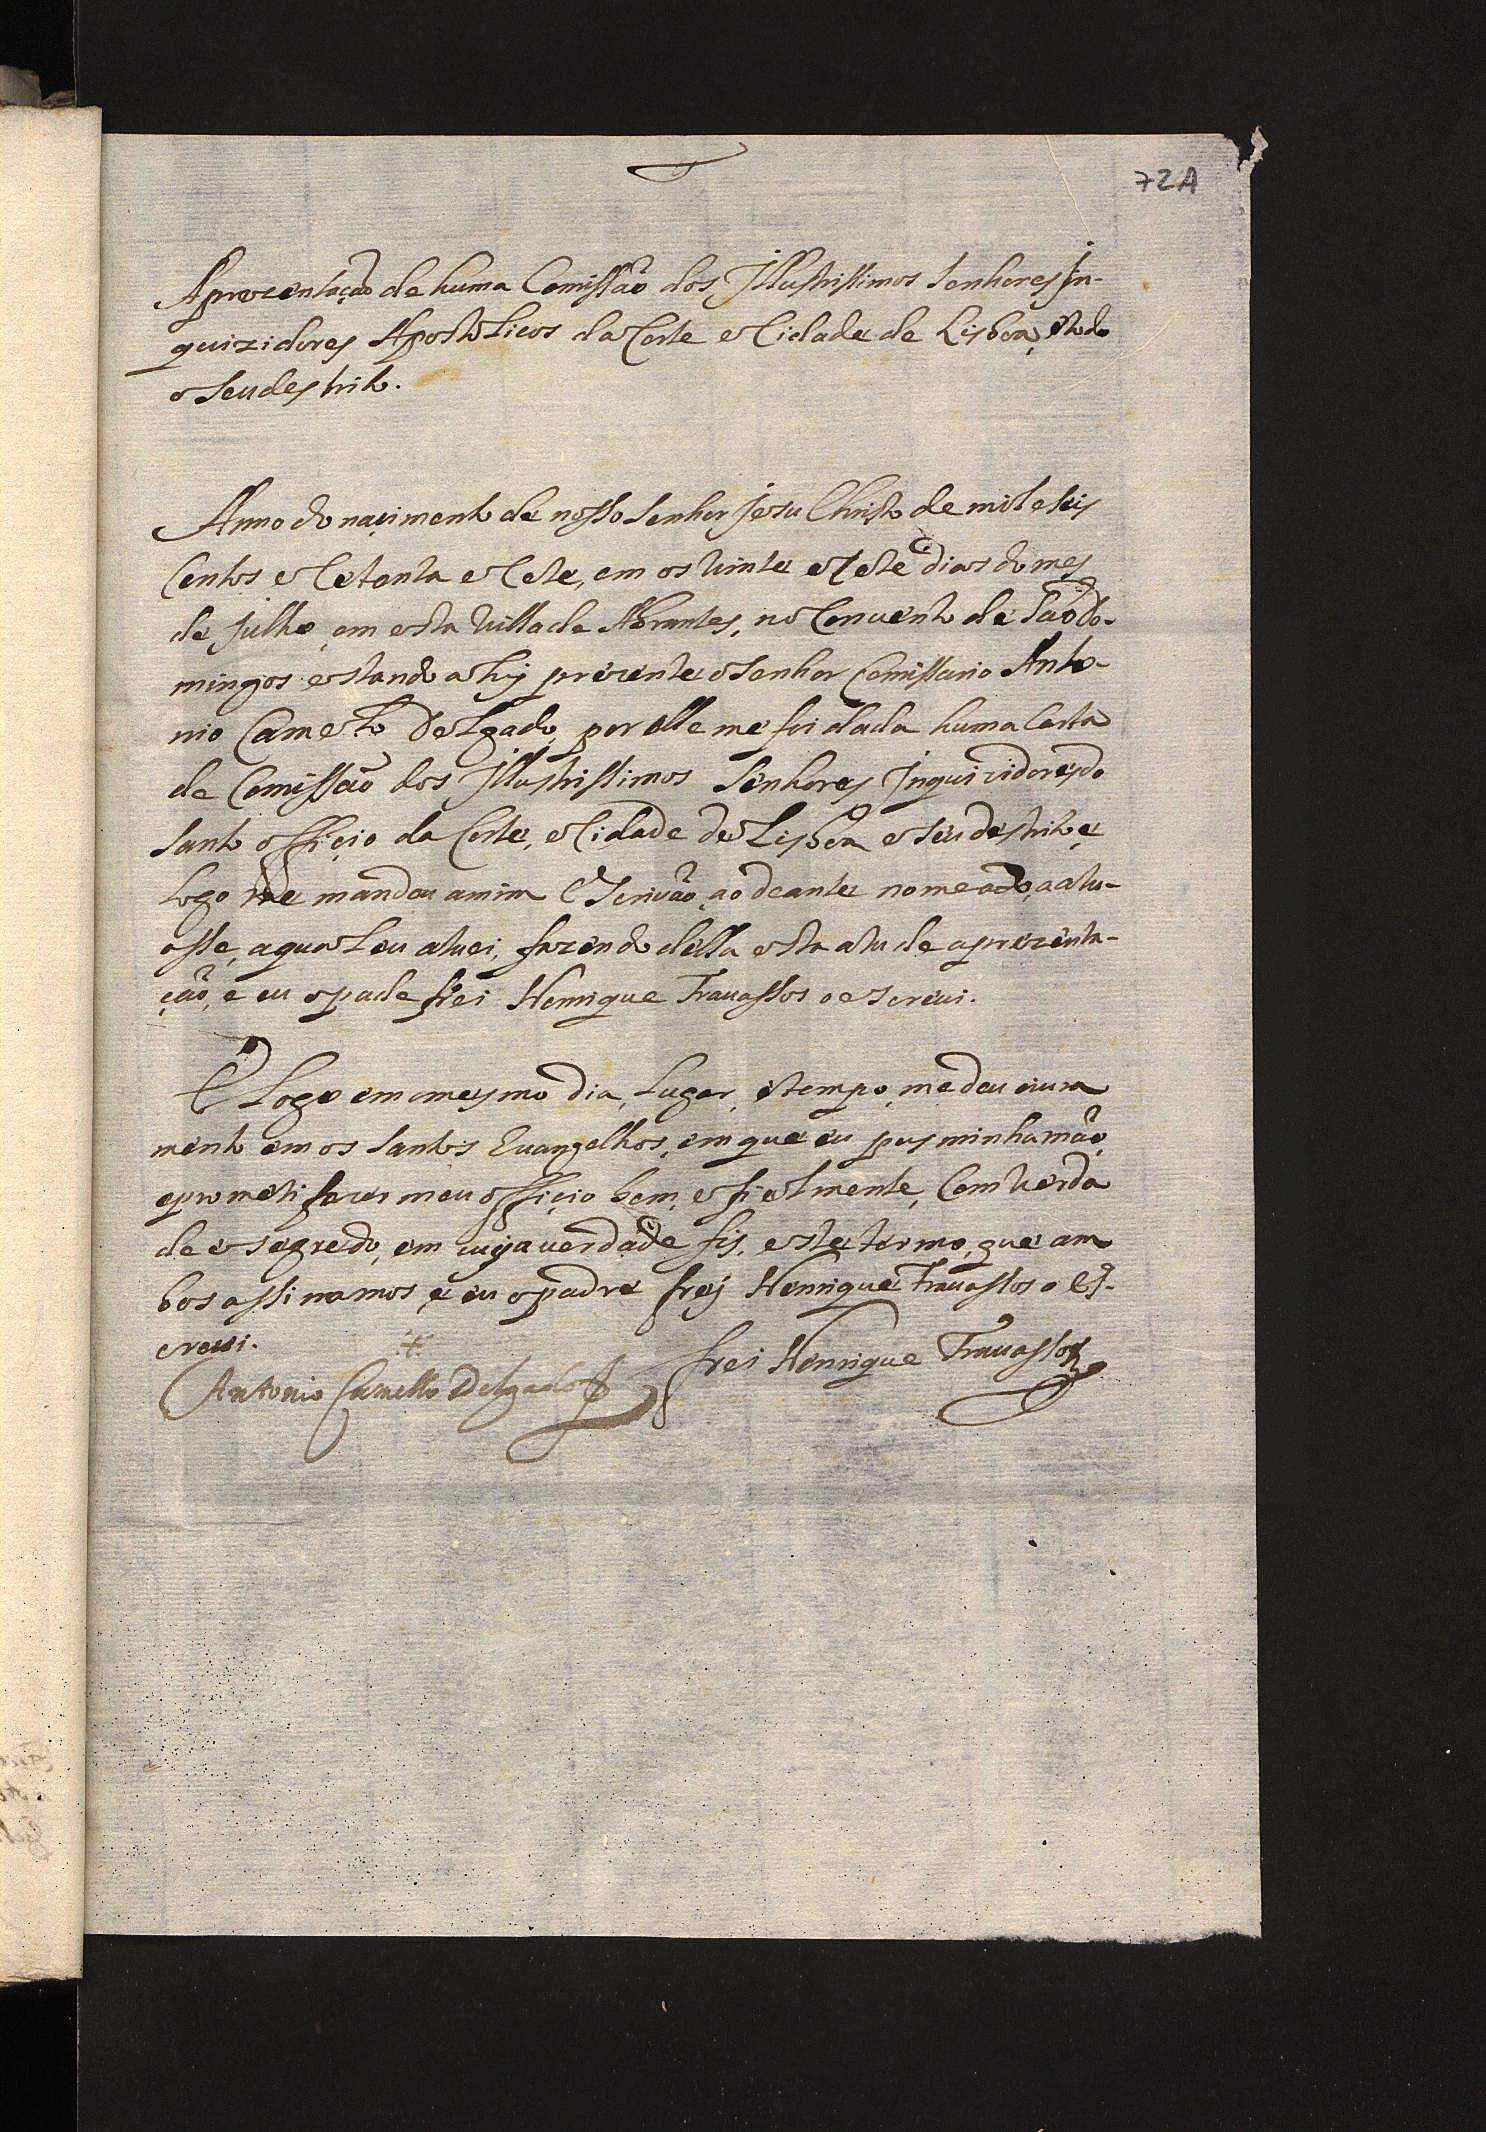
Aprezentaçaõ de huma Comissaõ dos Jllustrissimos Senhores Jn
quizidores Apostolicos da Corte e Cidade de Lisboa, e todo
o seu destrito.
Anno do nacimento de nosso Senhor Jesu Christo de mil e seis
Centos e Cetenta e Cete, em os uinte e Cete dias do mes
de Julho em esta Villa de Abrantes, no Conuento de Saõ Do
mingos estando ahy prezente o senhor Comissario Anto
nio Camelo Delgado, por elle me foi dada huma Carta
da Comissaõ dos Jllustrissimos Senhores Jnquizidores do
Santo officio da Corte, e Cidade de Lisboa e seu destrito, e
logo me mandou a mim escrivão ao deante nomeado, a atu
asse, a qual eu atuei, fazendo della esta ata de aprezenta
çaõ, e eu o pade frei Henrique Trauassos o escreui.
E Logo em o mesmo dia Lugar, e tempo, me deu o iura
mento em os santos Euangelhos, em que eu pus minha mão
e prometi fazer meu officio bem e fielmente, Com verda
de e segredo, em cuya uerdade fis este termo, que am
bos assinamos, e eu o padre frey Henrique Trauassos o es
creui.
frei Henrique Trauassos
Antonio Camello Delgado
